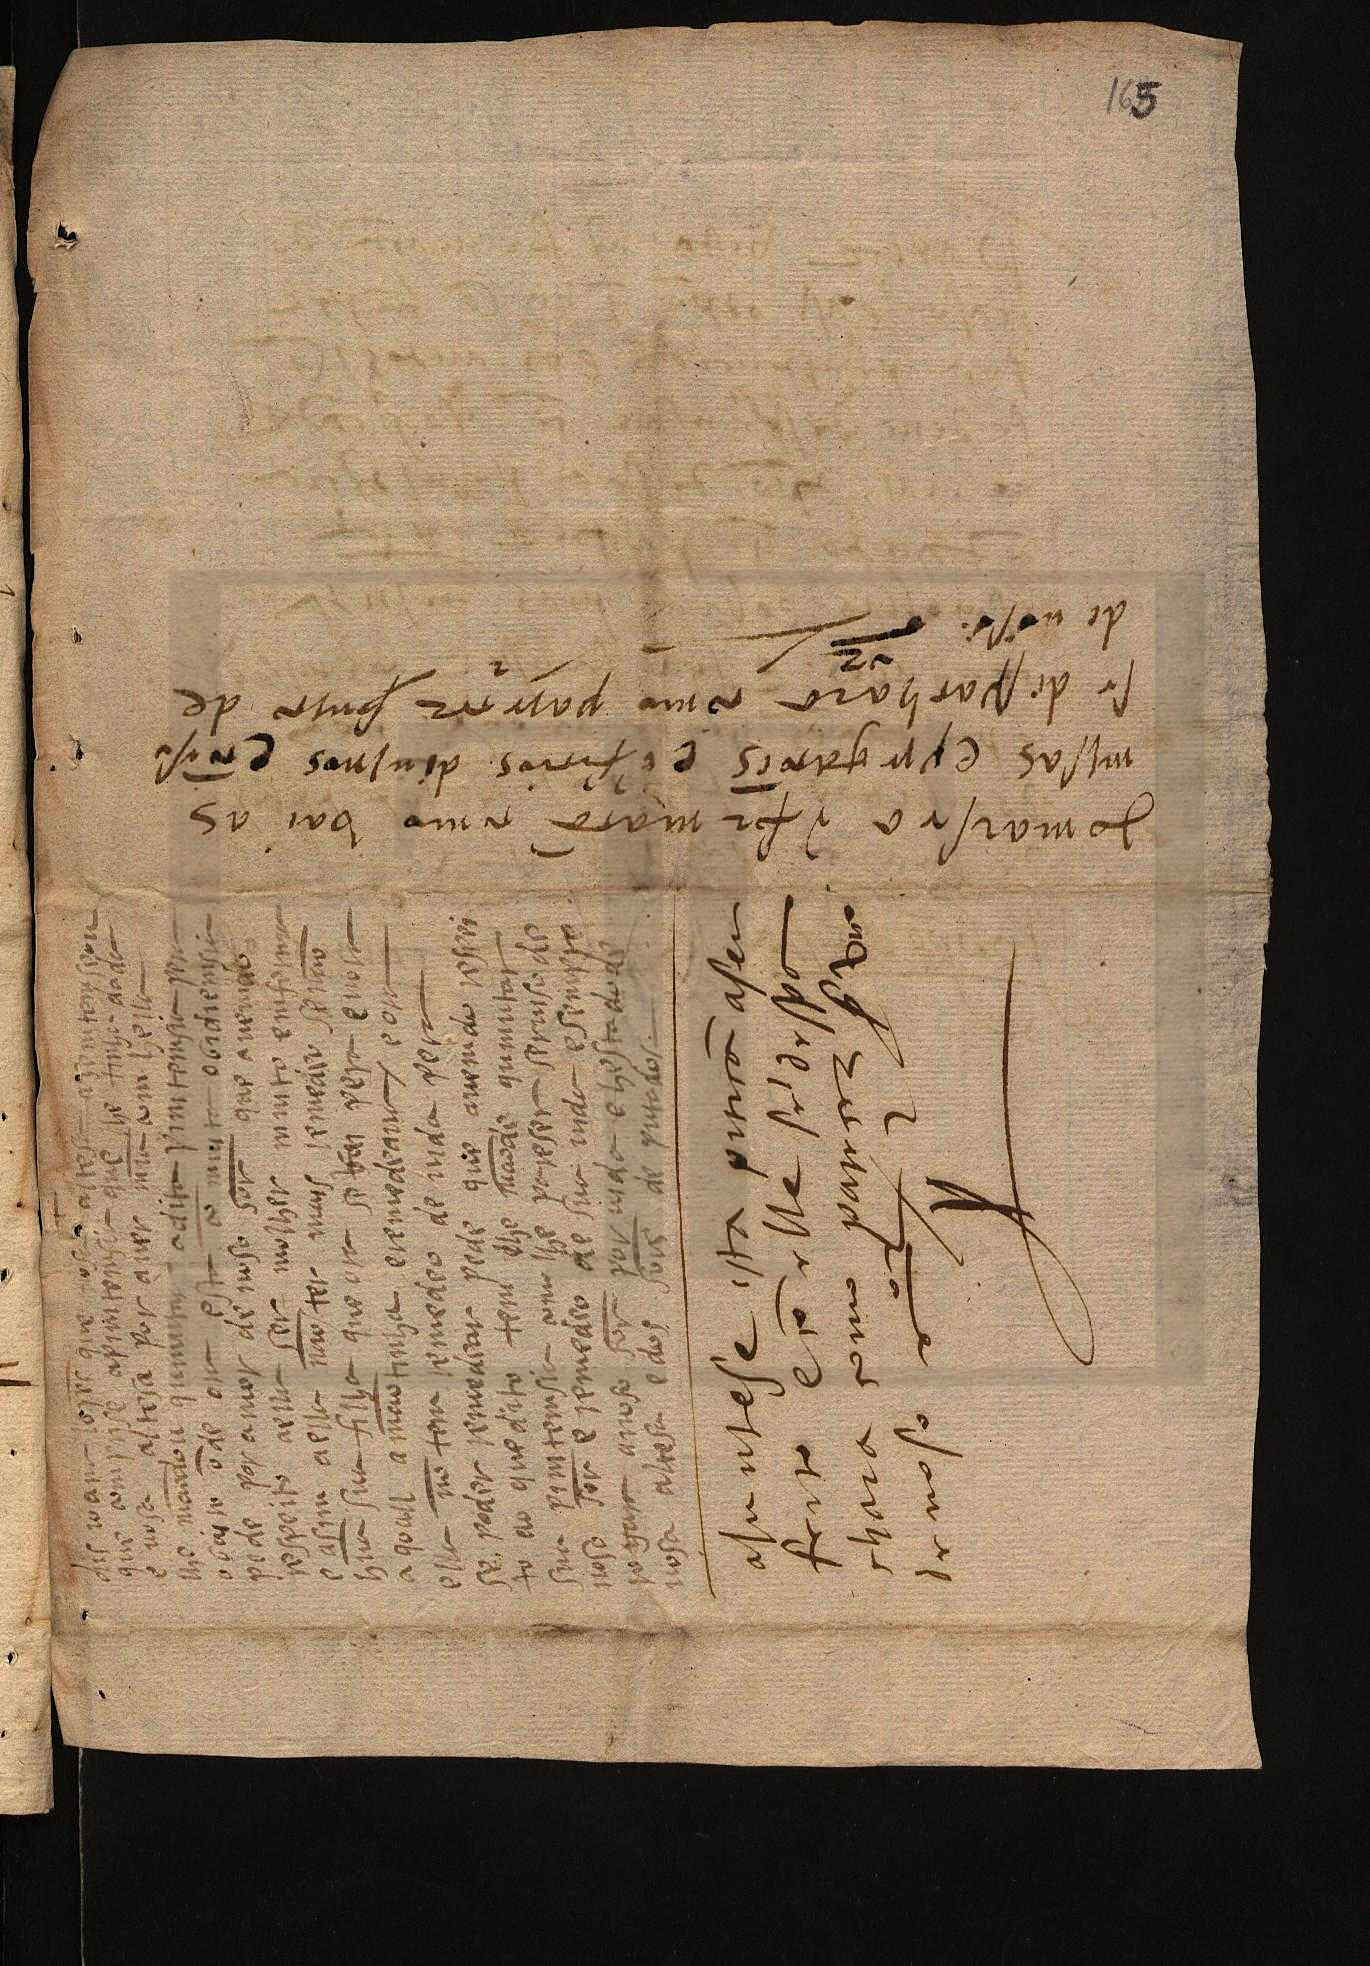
dis ioana lopes que uosa altesa a sentenseou
que comprise a pinitemsia que lhe tinha dada
e uosa altesa por auer mīa com hella
lhe mãodou qumutar a dita pinitemsia pera
o bajro ōde esta c̄o muita obidiemsia
pede por amor de nosso sōr que auendo
respeito a ella ser molher muito emferma
e asim a ella não ter mais remedeo senão
huā sua filha que ora se vai pera euora
a qoall a mãotinha e remedeaua / e ora
ella n̄o tem remedeo de uida pera
se poder remedear pede que auemdo respei
to ao que dito tem lhe mãode qumutar
sua pinitemsia como lhe pareser seruiso de
noso sōr e remedeo de sua uida e sempre
rogara a noso sōr por uida e hestado de
uosa altesa e dos sōrs deputados
aJuntese esta pitiçā a seu
feito e c̄o elle se despa
chara como parecer ꞩviço
de noso sor
tomar se a ēformaçā como vai as
mjsas e pregações e oficios diujnos e c̄o iso
se despachara como parecer ꞩujço de
de nosso sor
